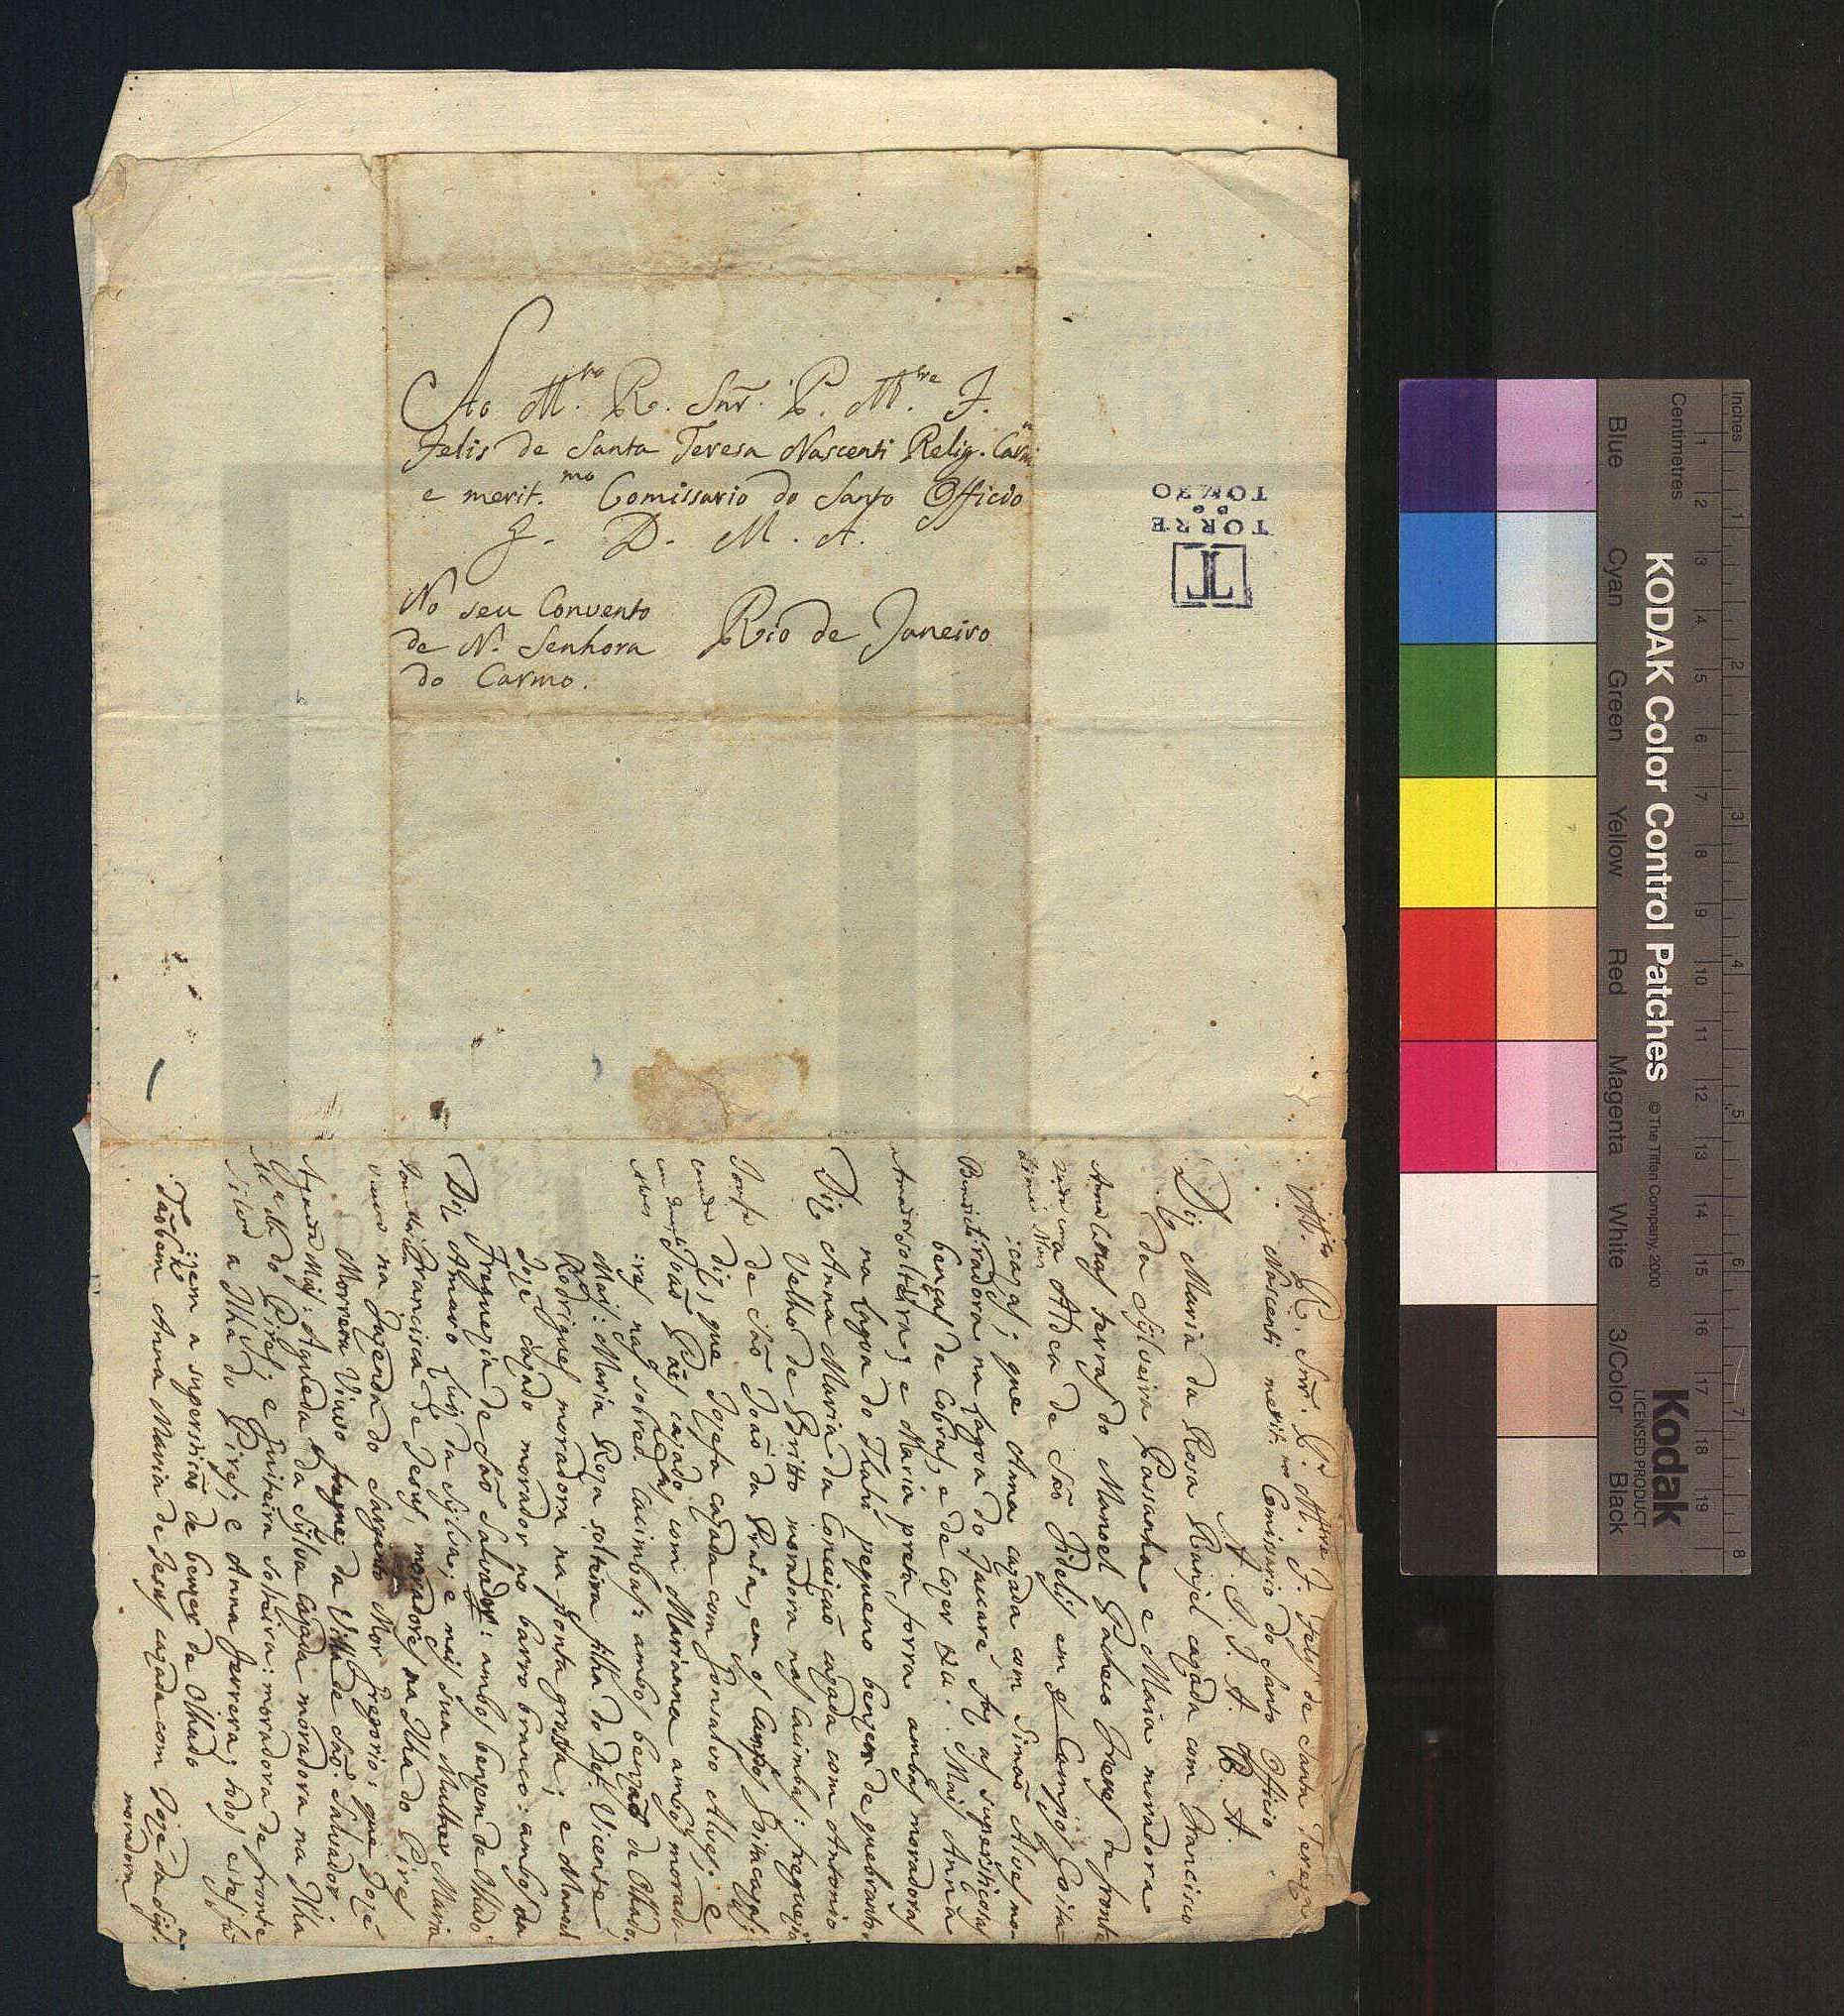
Ao M.to R. Snr̄. P.e M.tre F.
Felis de Santa Teresa Nascenti Relig. Carm
e merit.mo Comissario do Santo Officio
G. D. M. A.
No seu Convento
de N. Senhora
do Carmo.
Rio de Janeiro
